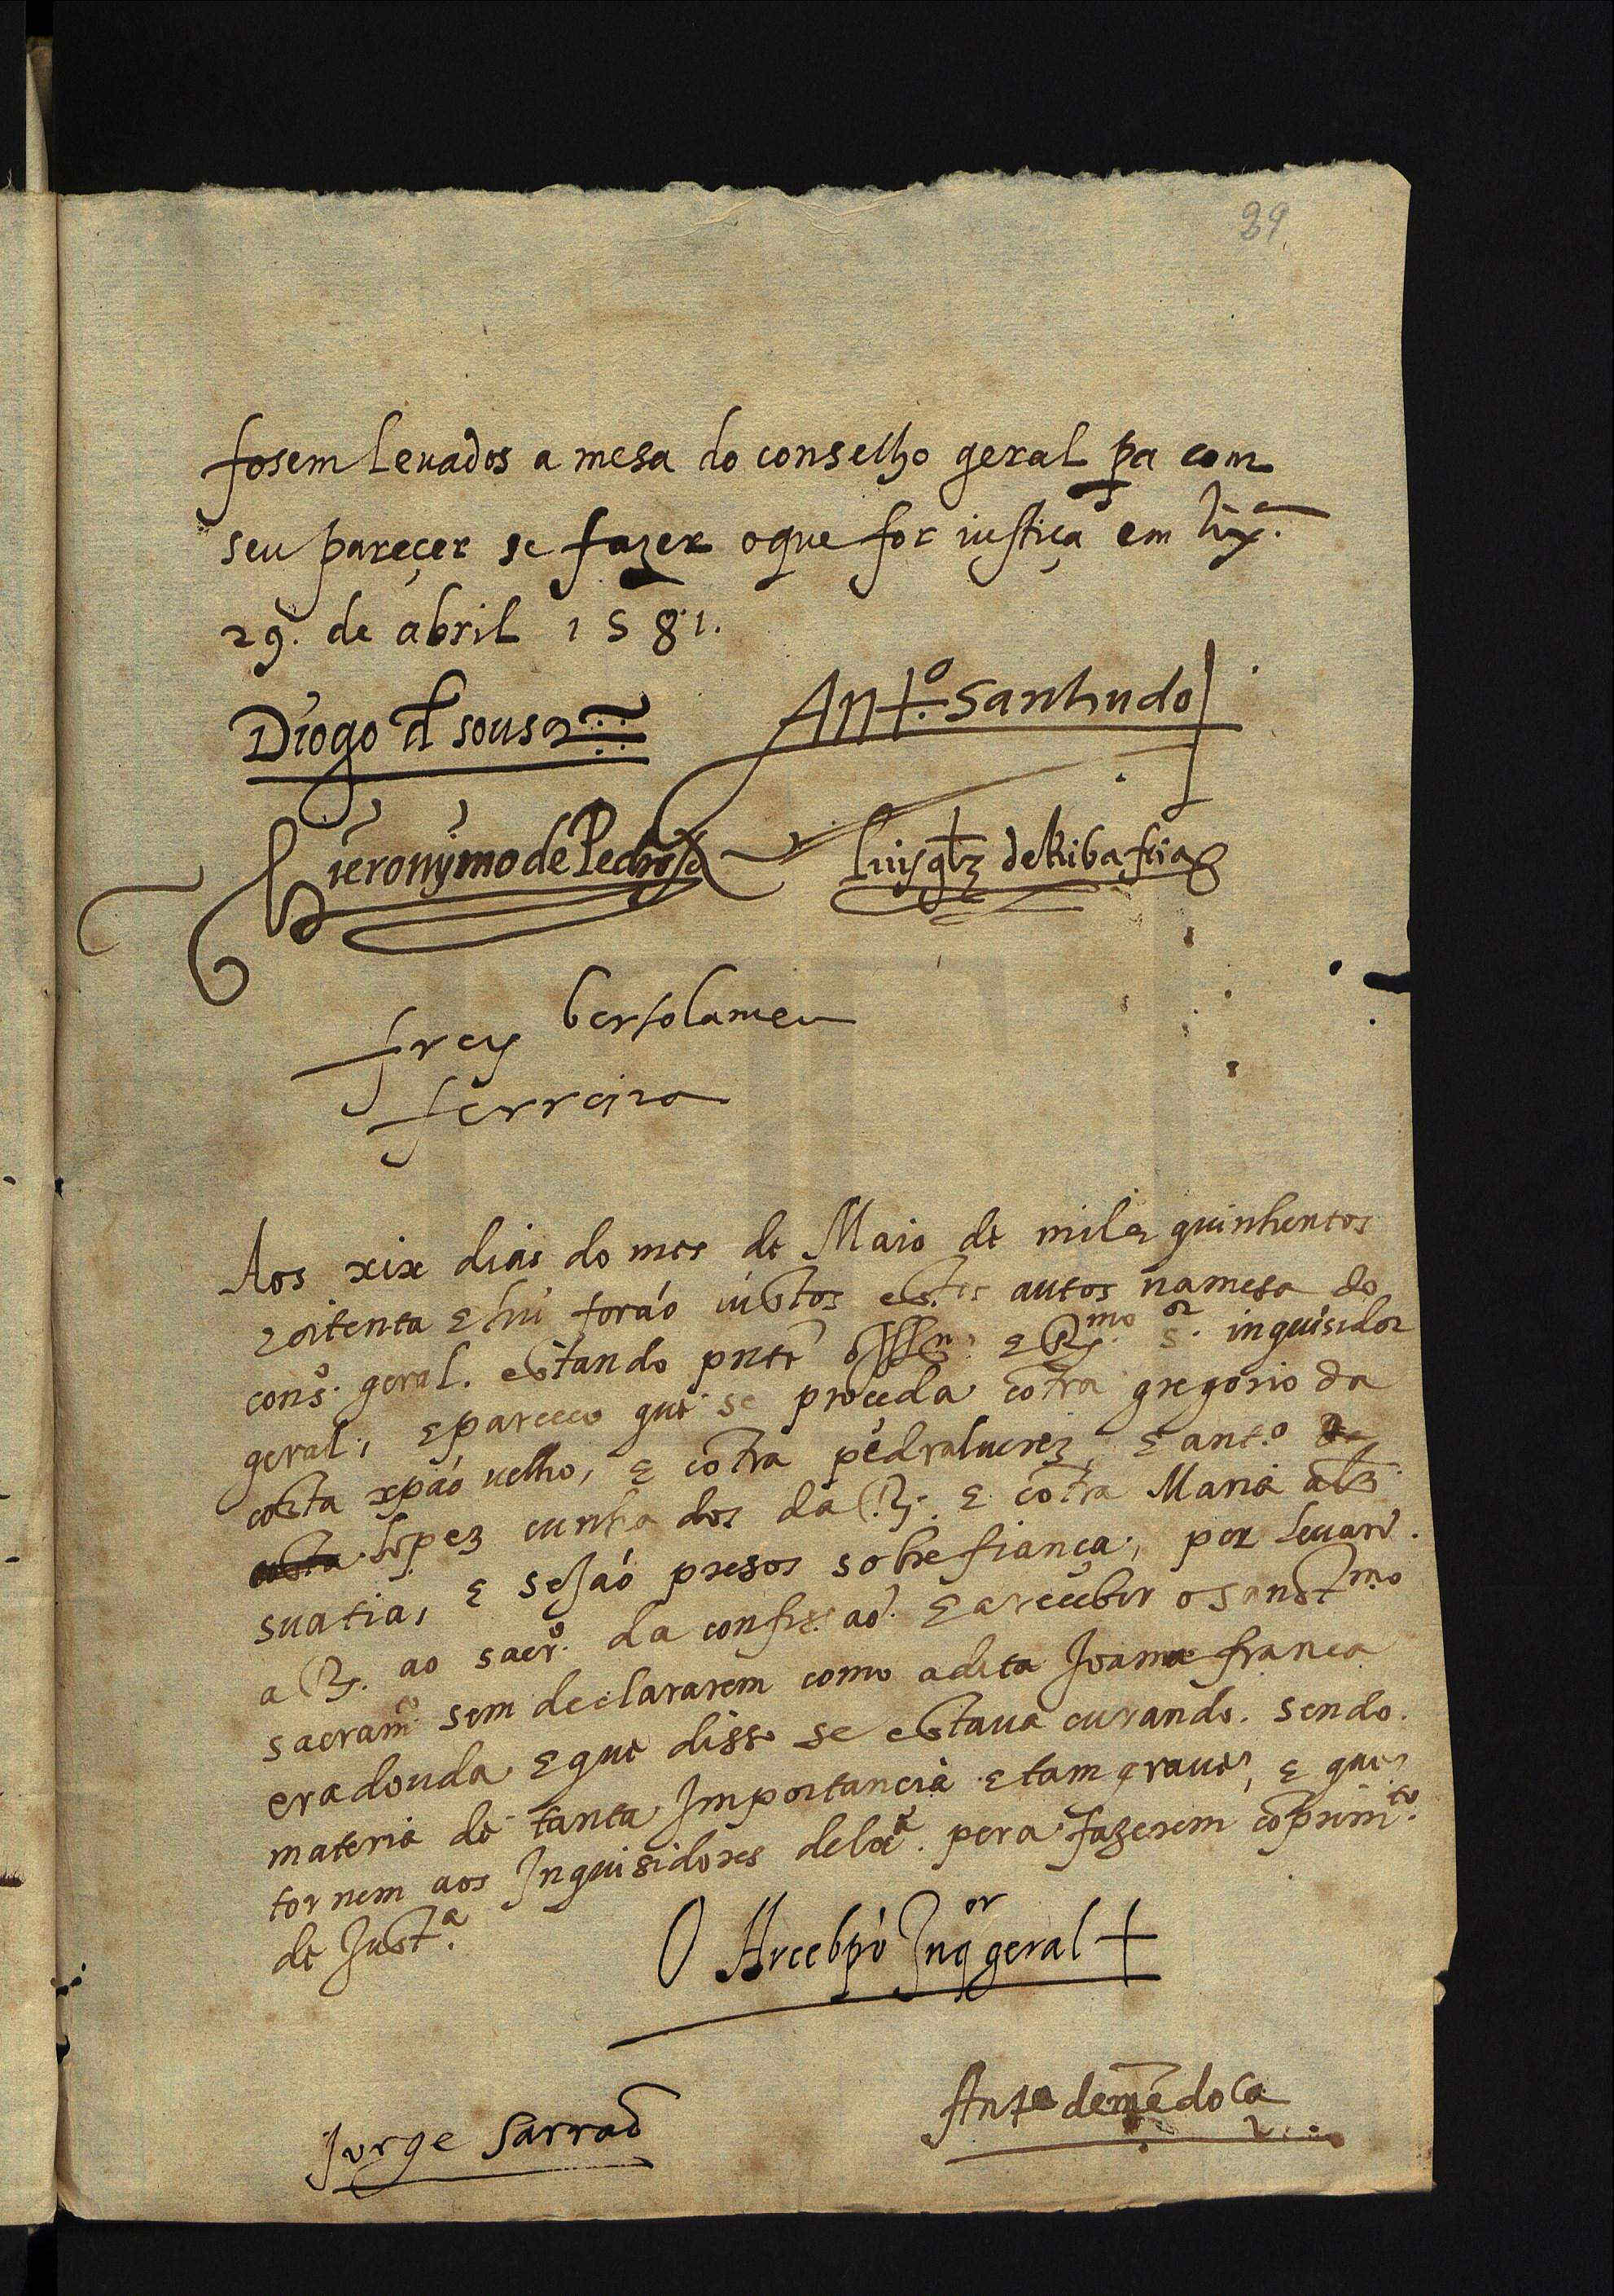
fosem leuados a mesa do conselho geral ꝑa com
seu pareçer se fazer o que for iustiça em lix.a
29. de abril 1581.
Aos xix dias do mes de Maio de mil E quinhentos
E oitenta E hū foraõ uistos estes autos na mesa do
cons.o geral. estando pntē o Jllmo E Rꝭ.mo s.or inquisidor
geral, E pareceo que se proçeda cōtra gregorio da
costa xpão uelho, E cōtra pedraluerez E anto da
costa. lopez cunhados da R. E cōtra Maria al̄z
sua tia, E seJaõ presos sobre fiança; por leuarē
a R. ao sacr.o da confissaõ E a receber o sanct.mo
sacram.to sem declararem como a dita Joama franca
era douda. E que disso se estaua curando. sendo
materia de tanta Jmportançia E tam graue, E que
tornem aos Jnquisidores de lxa pera fazerem cōprimto.
de Justa.
